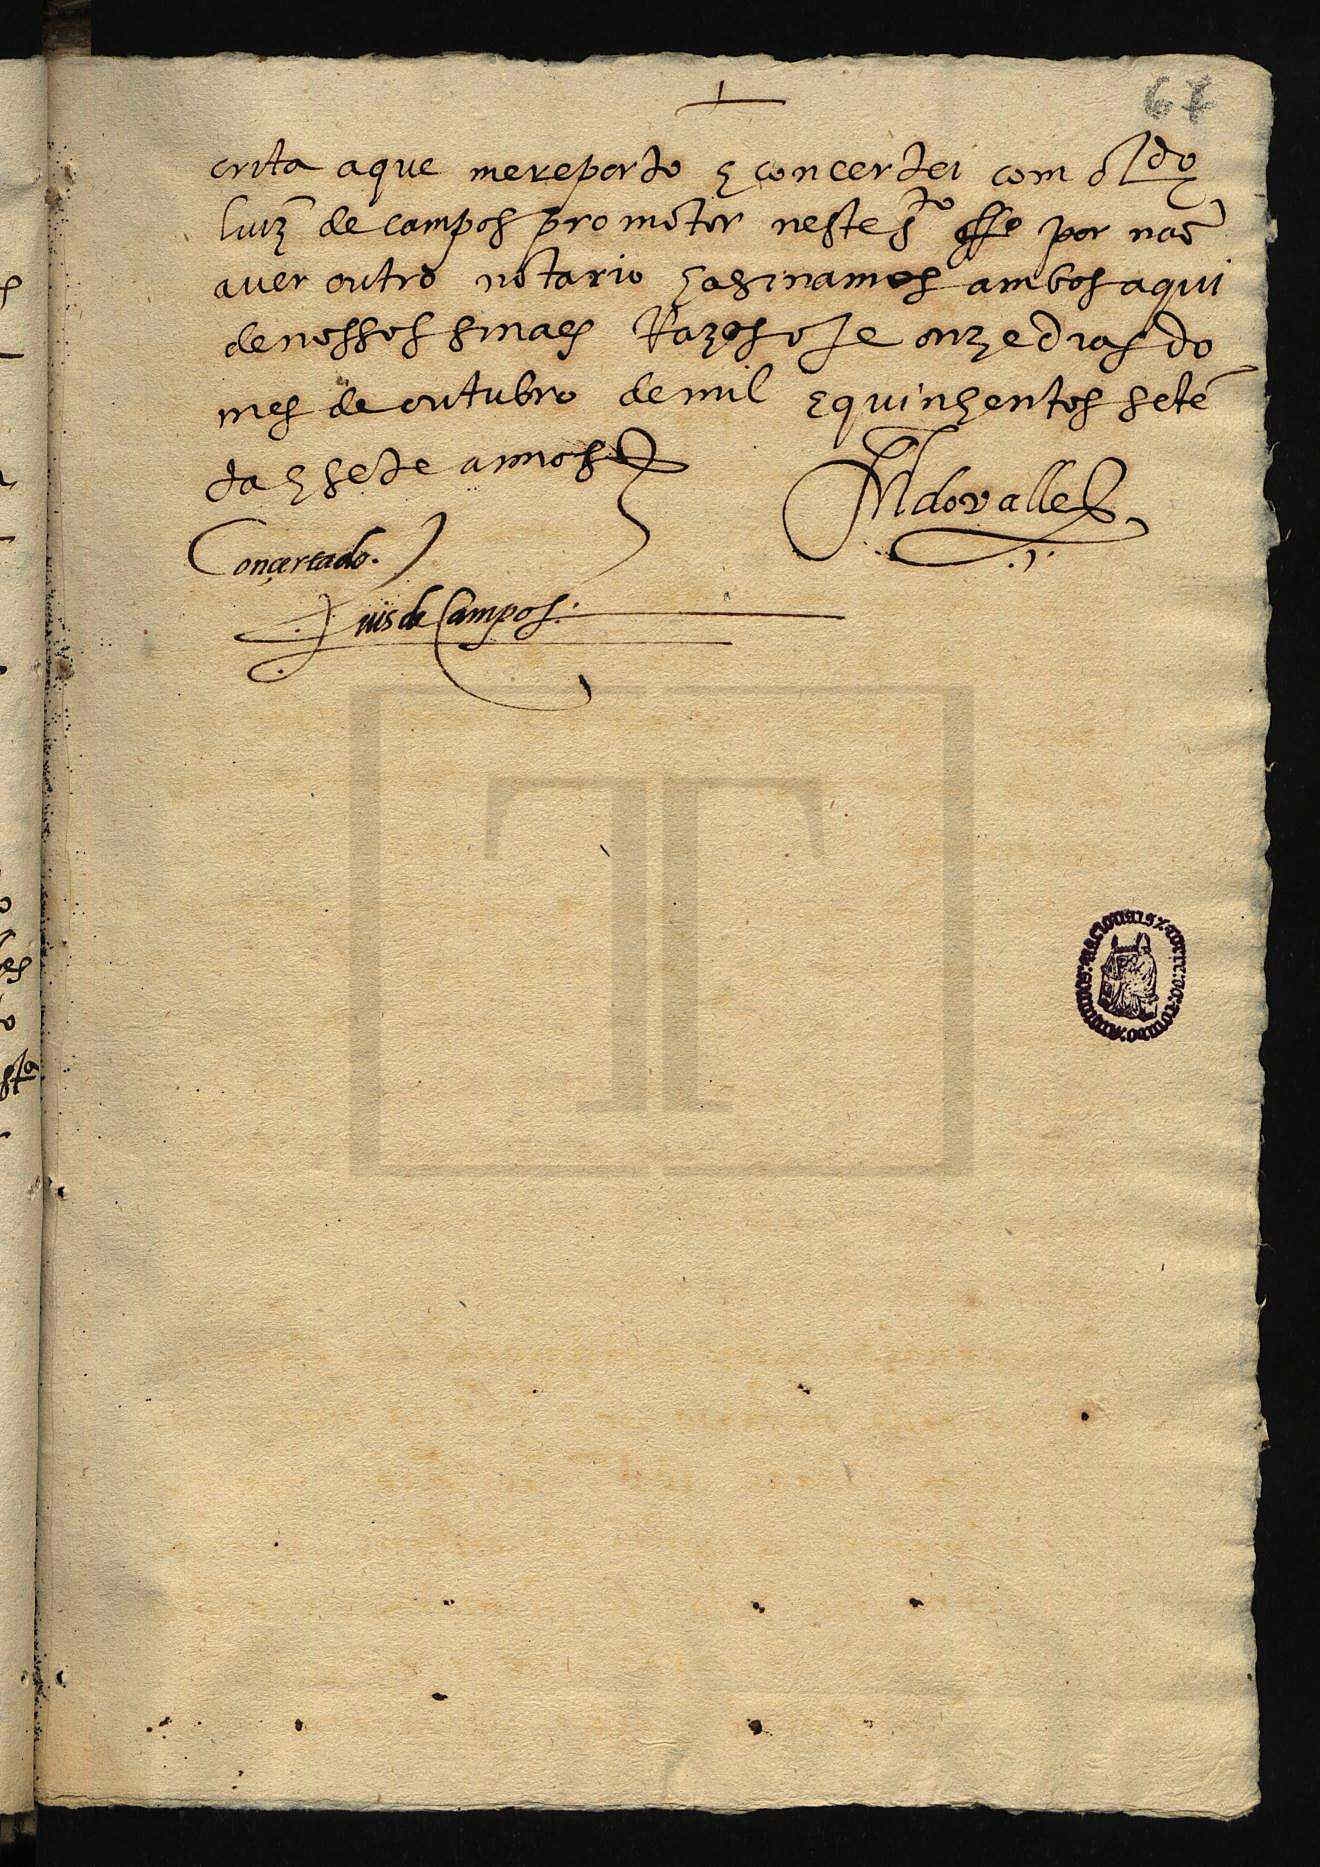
crita a que me reporto E concertei com o Ldo
luiz̄ de campos promotor neste sto offo por naõ
auer outro notario E asinamos ambos aqui
de nossos sinaes Razos oJe onze dias do
mes de outubro de mil E quinhentos setē
ta E sete annos
M do valle
Concertado.
Luis de Campos.
